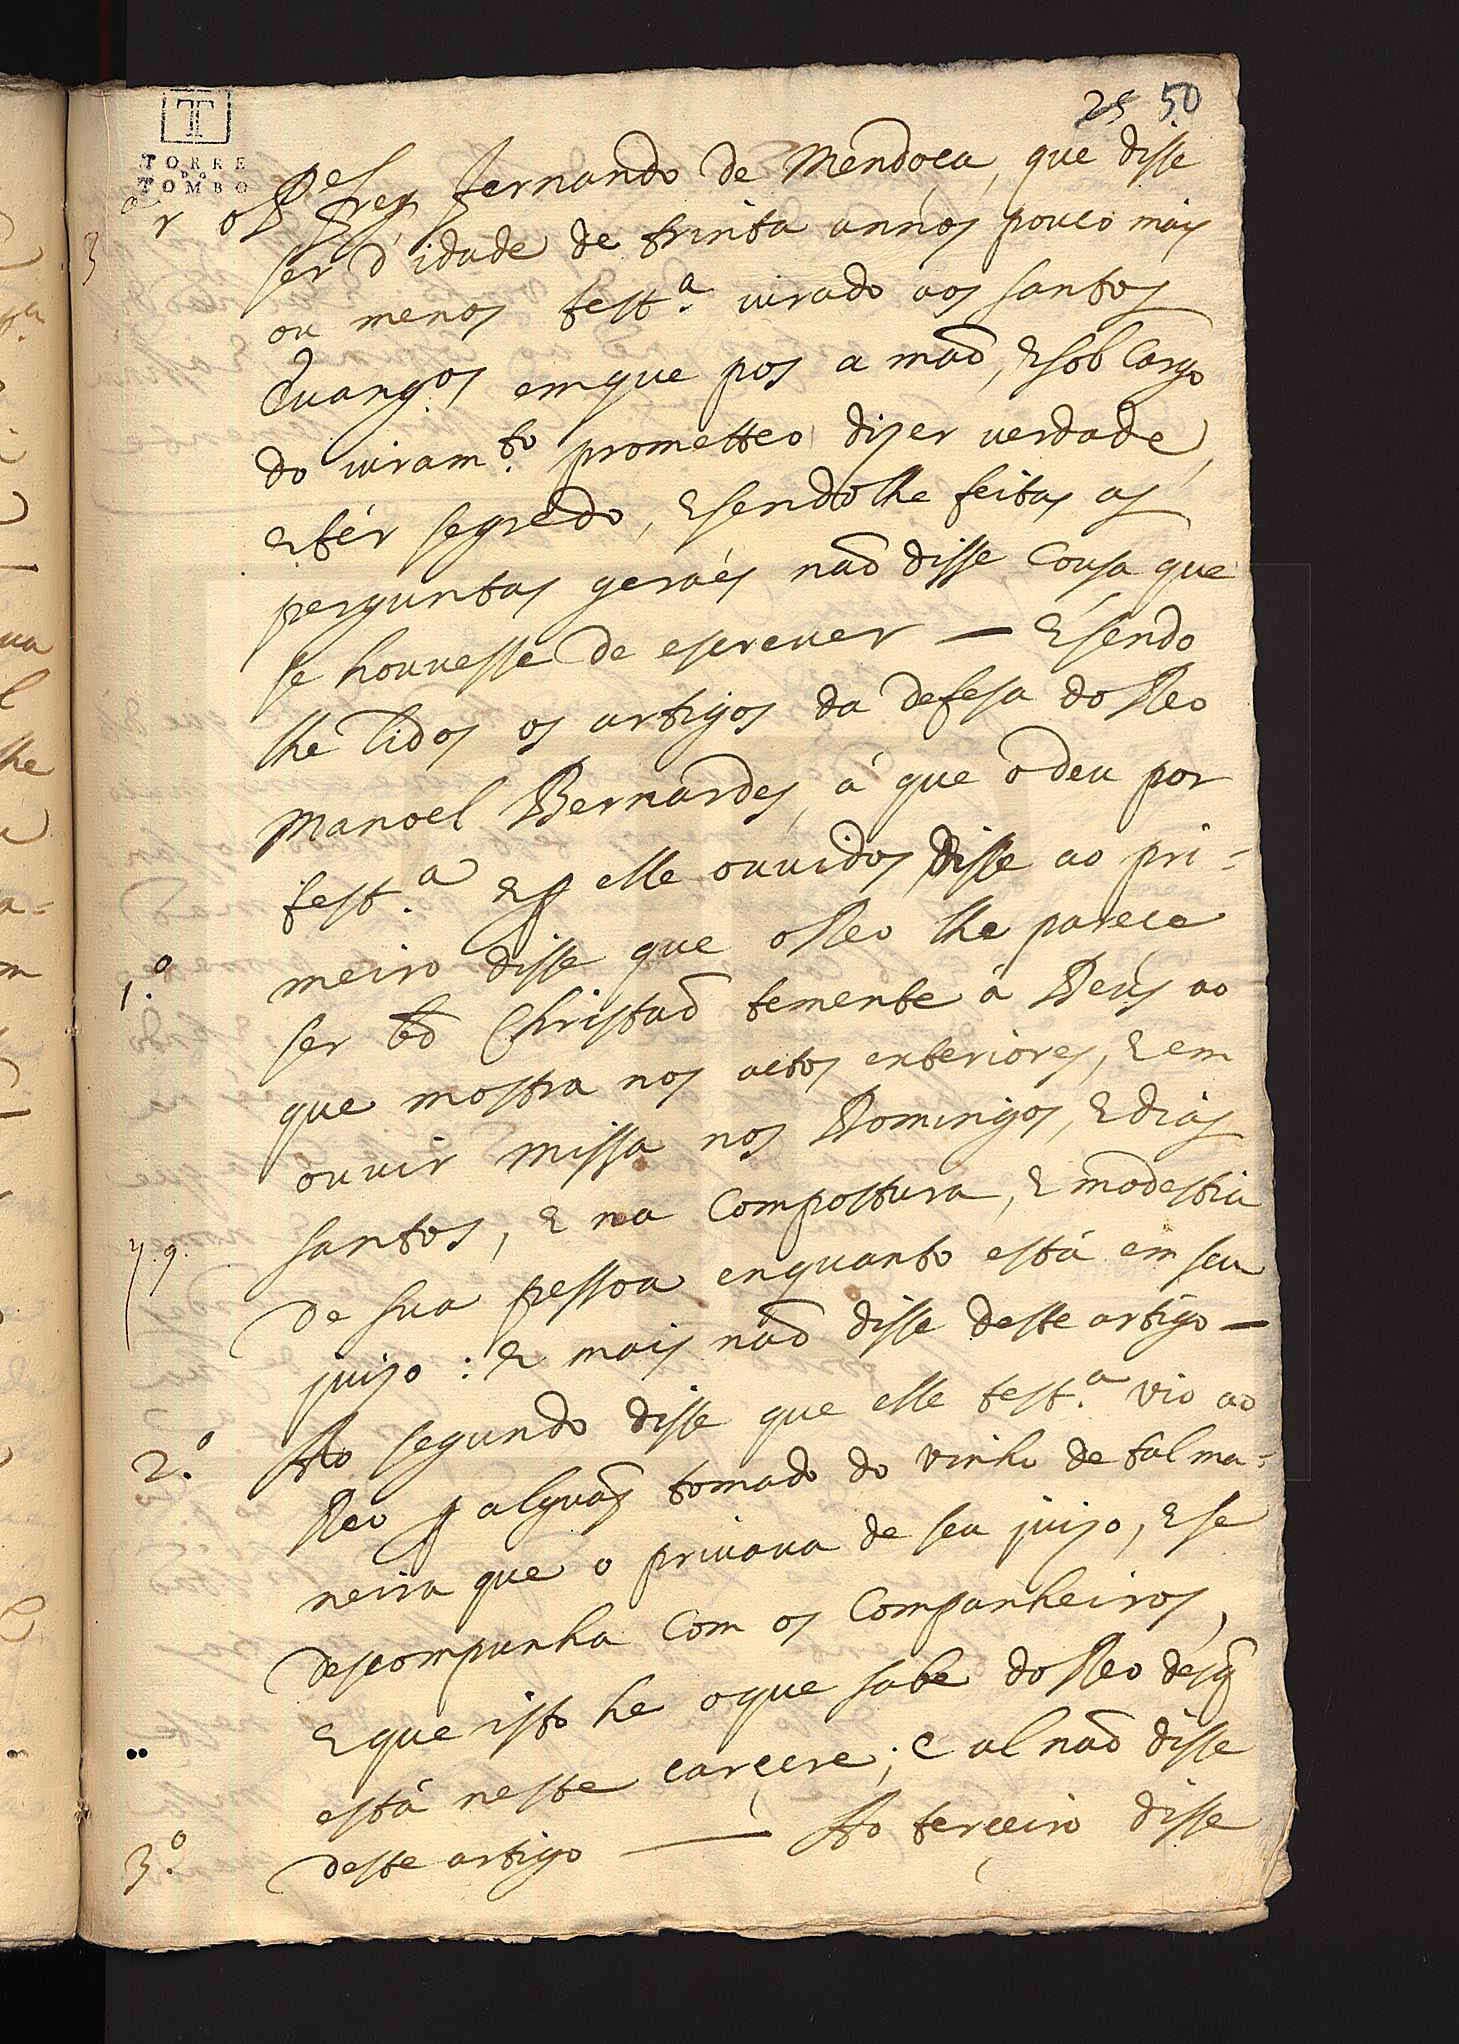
o Pe frey fernando de Mendoça, que disse
ser d'idade de trinta annos pouco mais
ou menos test.a iurado aos santos
euang.os em que pos a mão, E sob cargo
do iuram.to prometteo dizer uerdade,
E ter segredo, E sendolhe feitas as
perguntas geraes não disse cousa que
se houvesse de escreuer - E sendo
lhe lidos os artigos da defesa do Reo
Manoel Bernardes, a que o deu por
test.a E ꝑ elle ouuidos disse ao pri
meiro disse que o Reo lhe pareçe
ser bō Christão temente á Deus ao
que mostra nos actos exteriores, E em
ouuir missa nos Domingos, E dias
santos, E na compostura, E modestia
de sua pessoa enquanto está em seu
juizo: E mais não disse deste artigo
Ao segundo disse que elle test.a vio ao
Reo ꝑ algu̅as tomado do vinho de tal ma
neira que o priuaua de seu juizo, E se
descompunha com os companheiros,
E que isto he o que sabe do Reo des q̅
está neste carçere; e al não disse
deste artigo - Ao terçeiro disse
